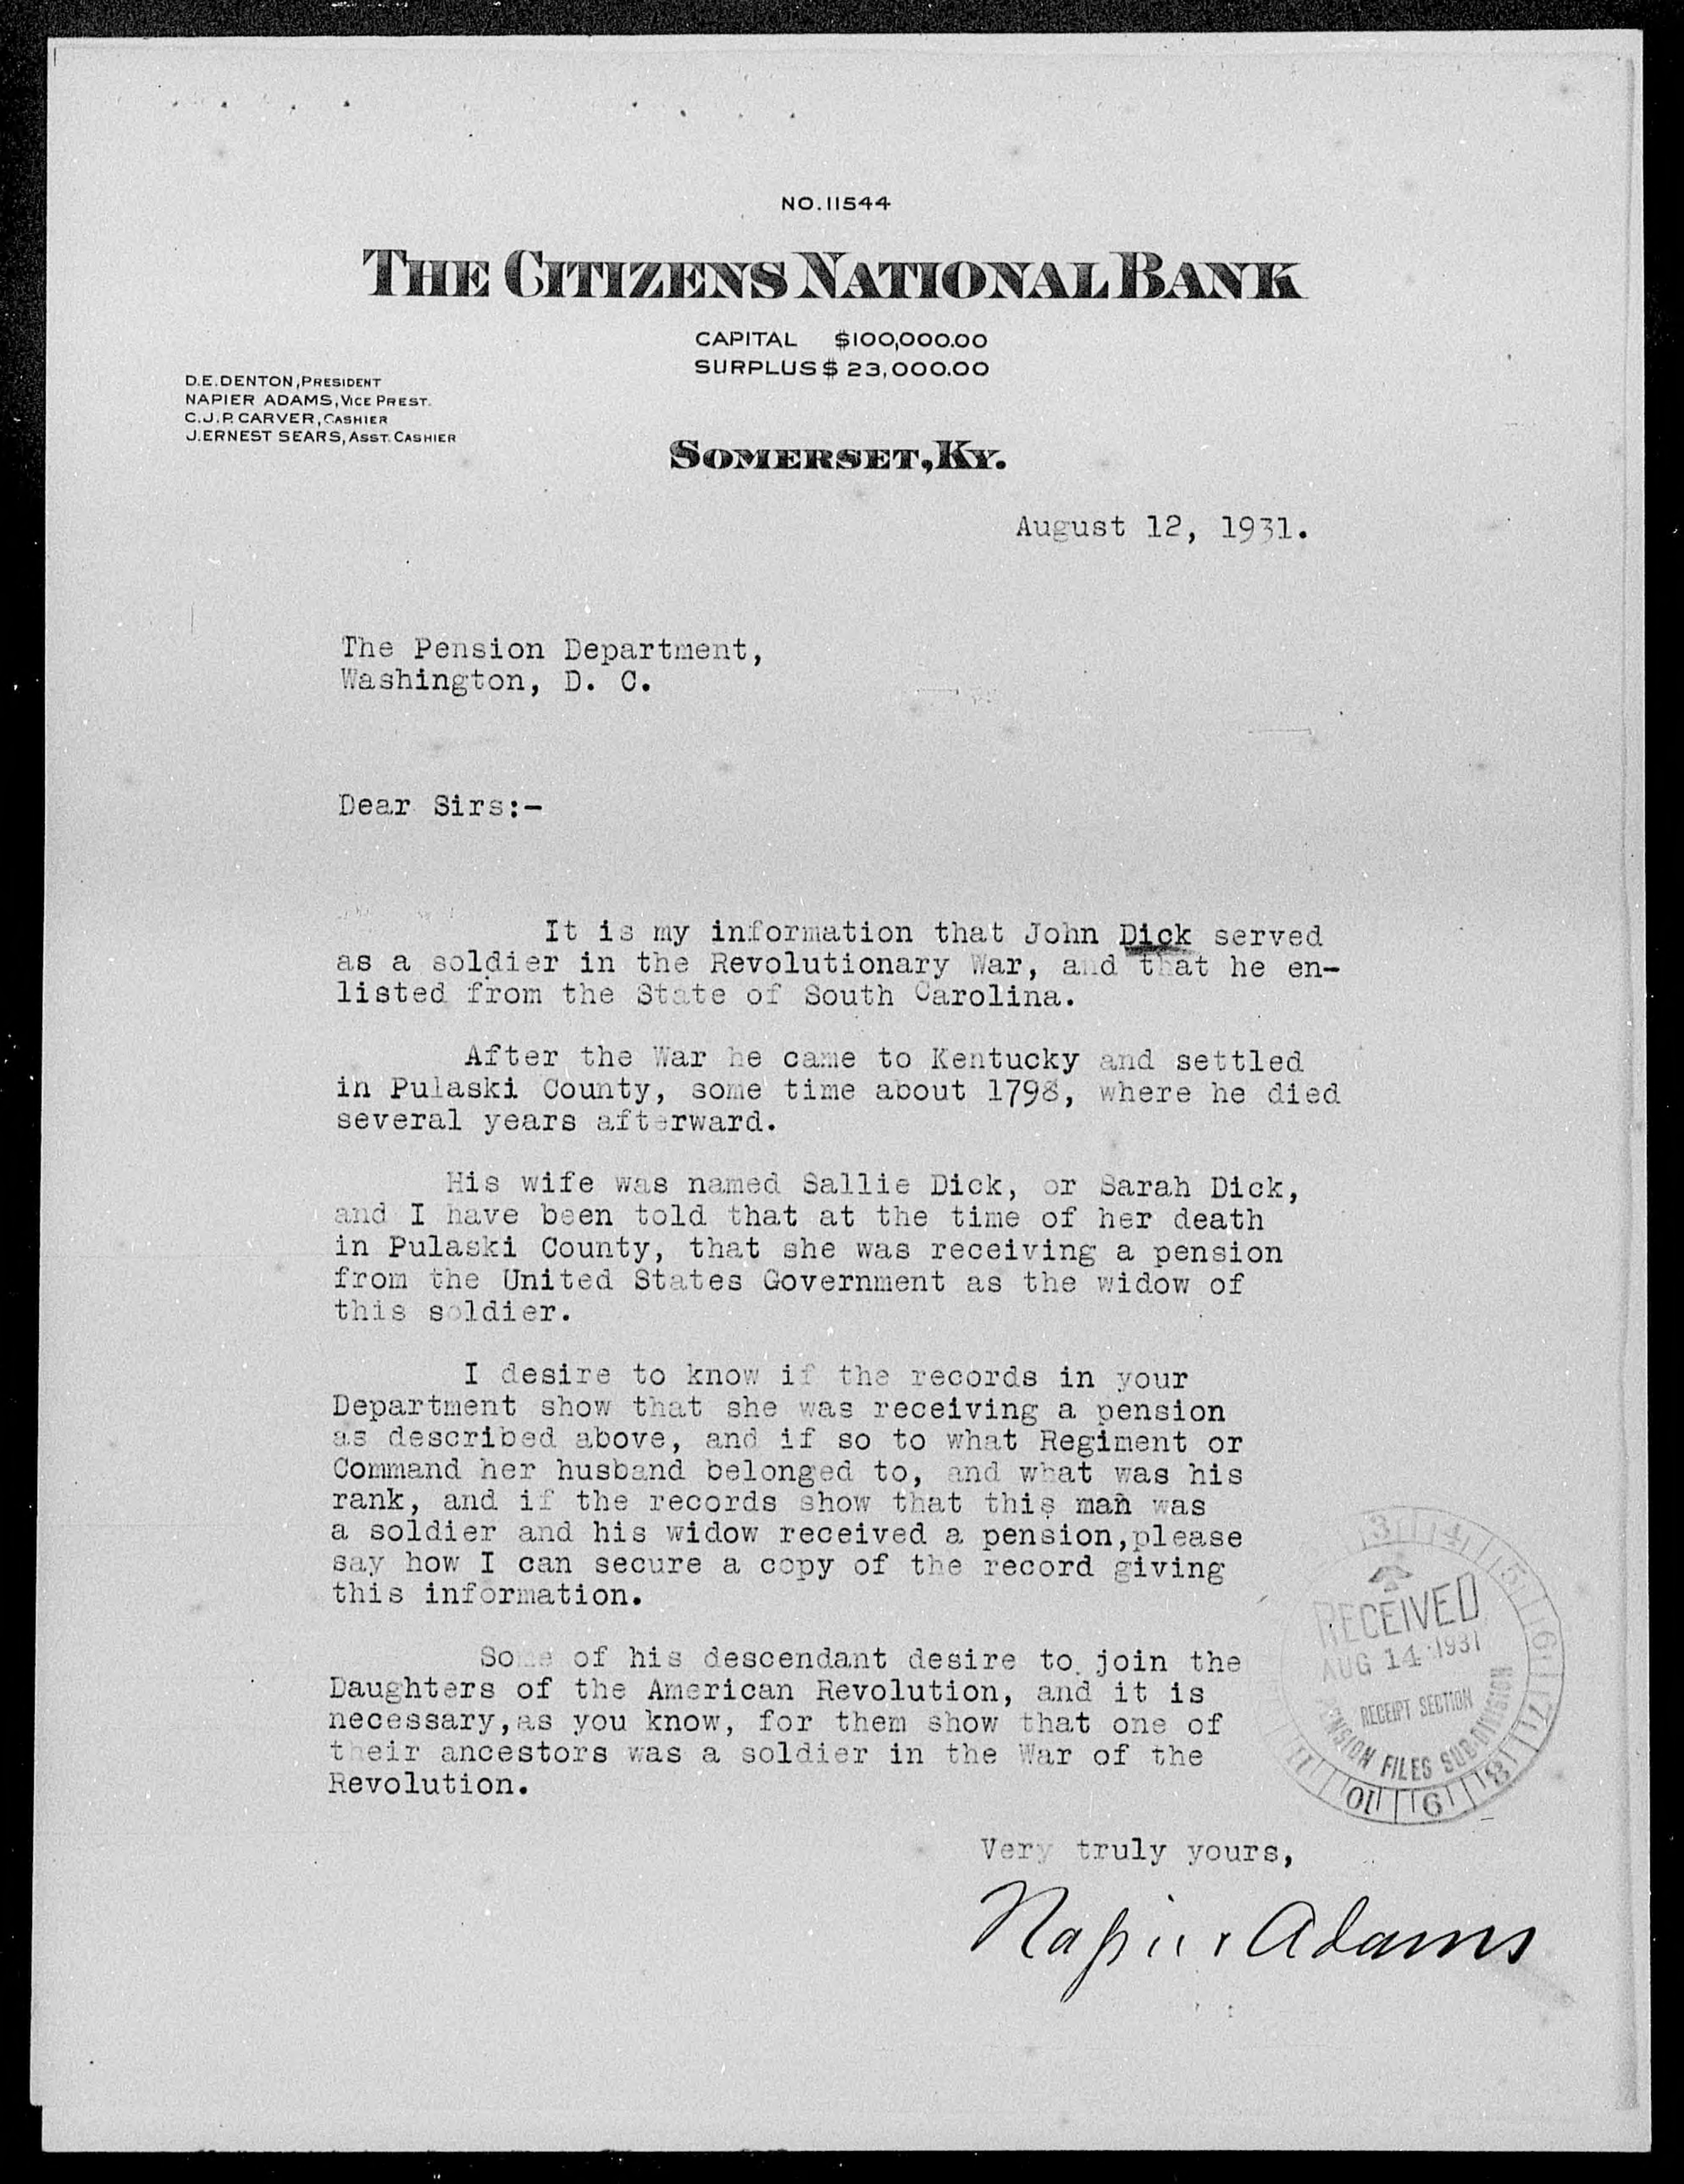NO. 11544 
THE CITIZENS NATIONAL BANK
CAPITAL $100,000.00 SURPLUS $23,00000 
D. E. DENTON PRESIDENT 
NAPIER ADAMS, VCE PREST. 
C. J. R. CARVER, CASHIER 
J.ERNEST SEARS ASST. CASHIER 
 SOMERSET, KY. 
August 12, 1931
The Pension Department, Washington, D. C. Dear Sirs: -  It is my information that John Dick served as a soldier in the Revolutionary War, and that he enlisted from the State of South Carolina. 
After the War he came to Kentucky and settled in Pulaski County, some time about 1798, where he died several years afterward. 
His wife was named Sallie Dick, or Sarah Dick, and I have been told that at the time of her death in Pulaski County, that she was receiving a pension from the United States Government as the widow of this soldier.
I desire to know if the records in your Department show that she was receiving a pension as described above, and if so to what Regiment or Command her husband belonged to, and what was his rank, and if the records show that this man was a soldier and his widow received a pension, please say how I can secure a copy of the record giving this information. Some of his descendant desire to join the Daughters of the American Revolution, and it is necessary, as you know, for them show that one of their ancestors was a soldier in the War of the Revolution. Received Aug 14 1931 Receipt Section Pension Files Sub Division 
Very truly yours, Napier Adams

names: J Ernest Sears, D E Denton, John Dick, Napier Adams, Sarah Dick, Napier Adams, C J P Carver, Sallie Dick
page: 16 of 31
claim: widow's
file: W. 8668, John Dick, S C